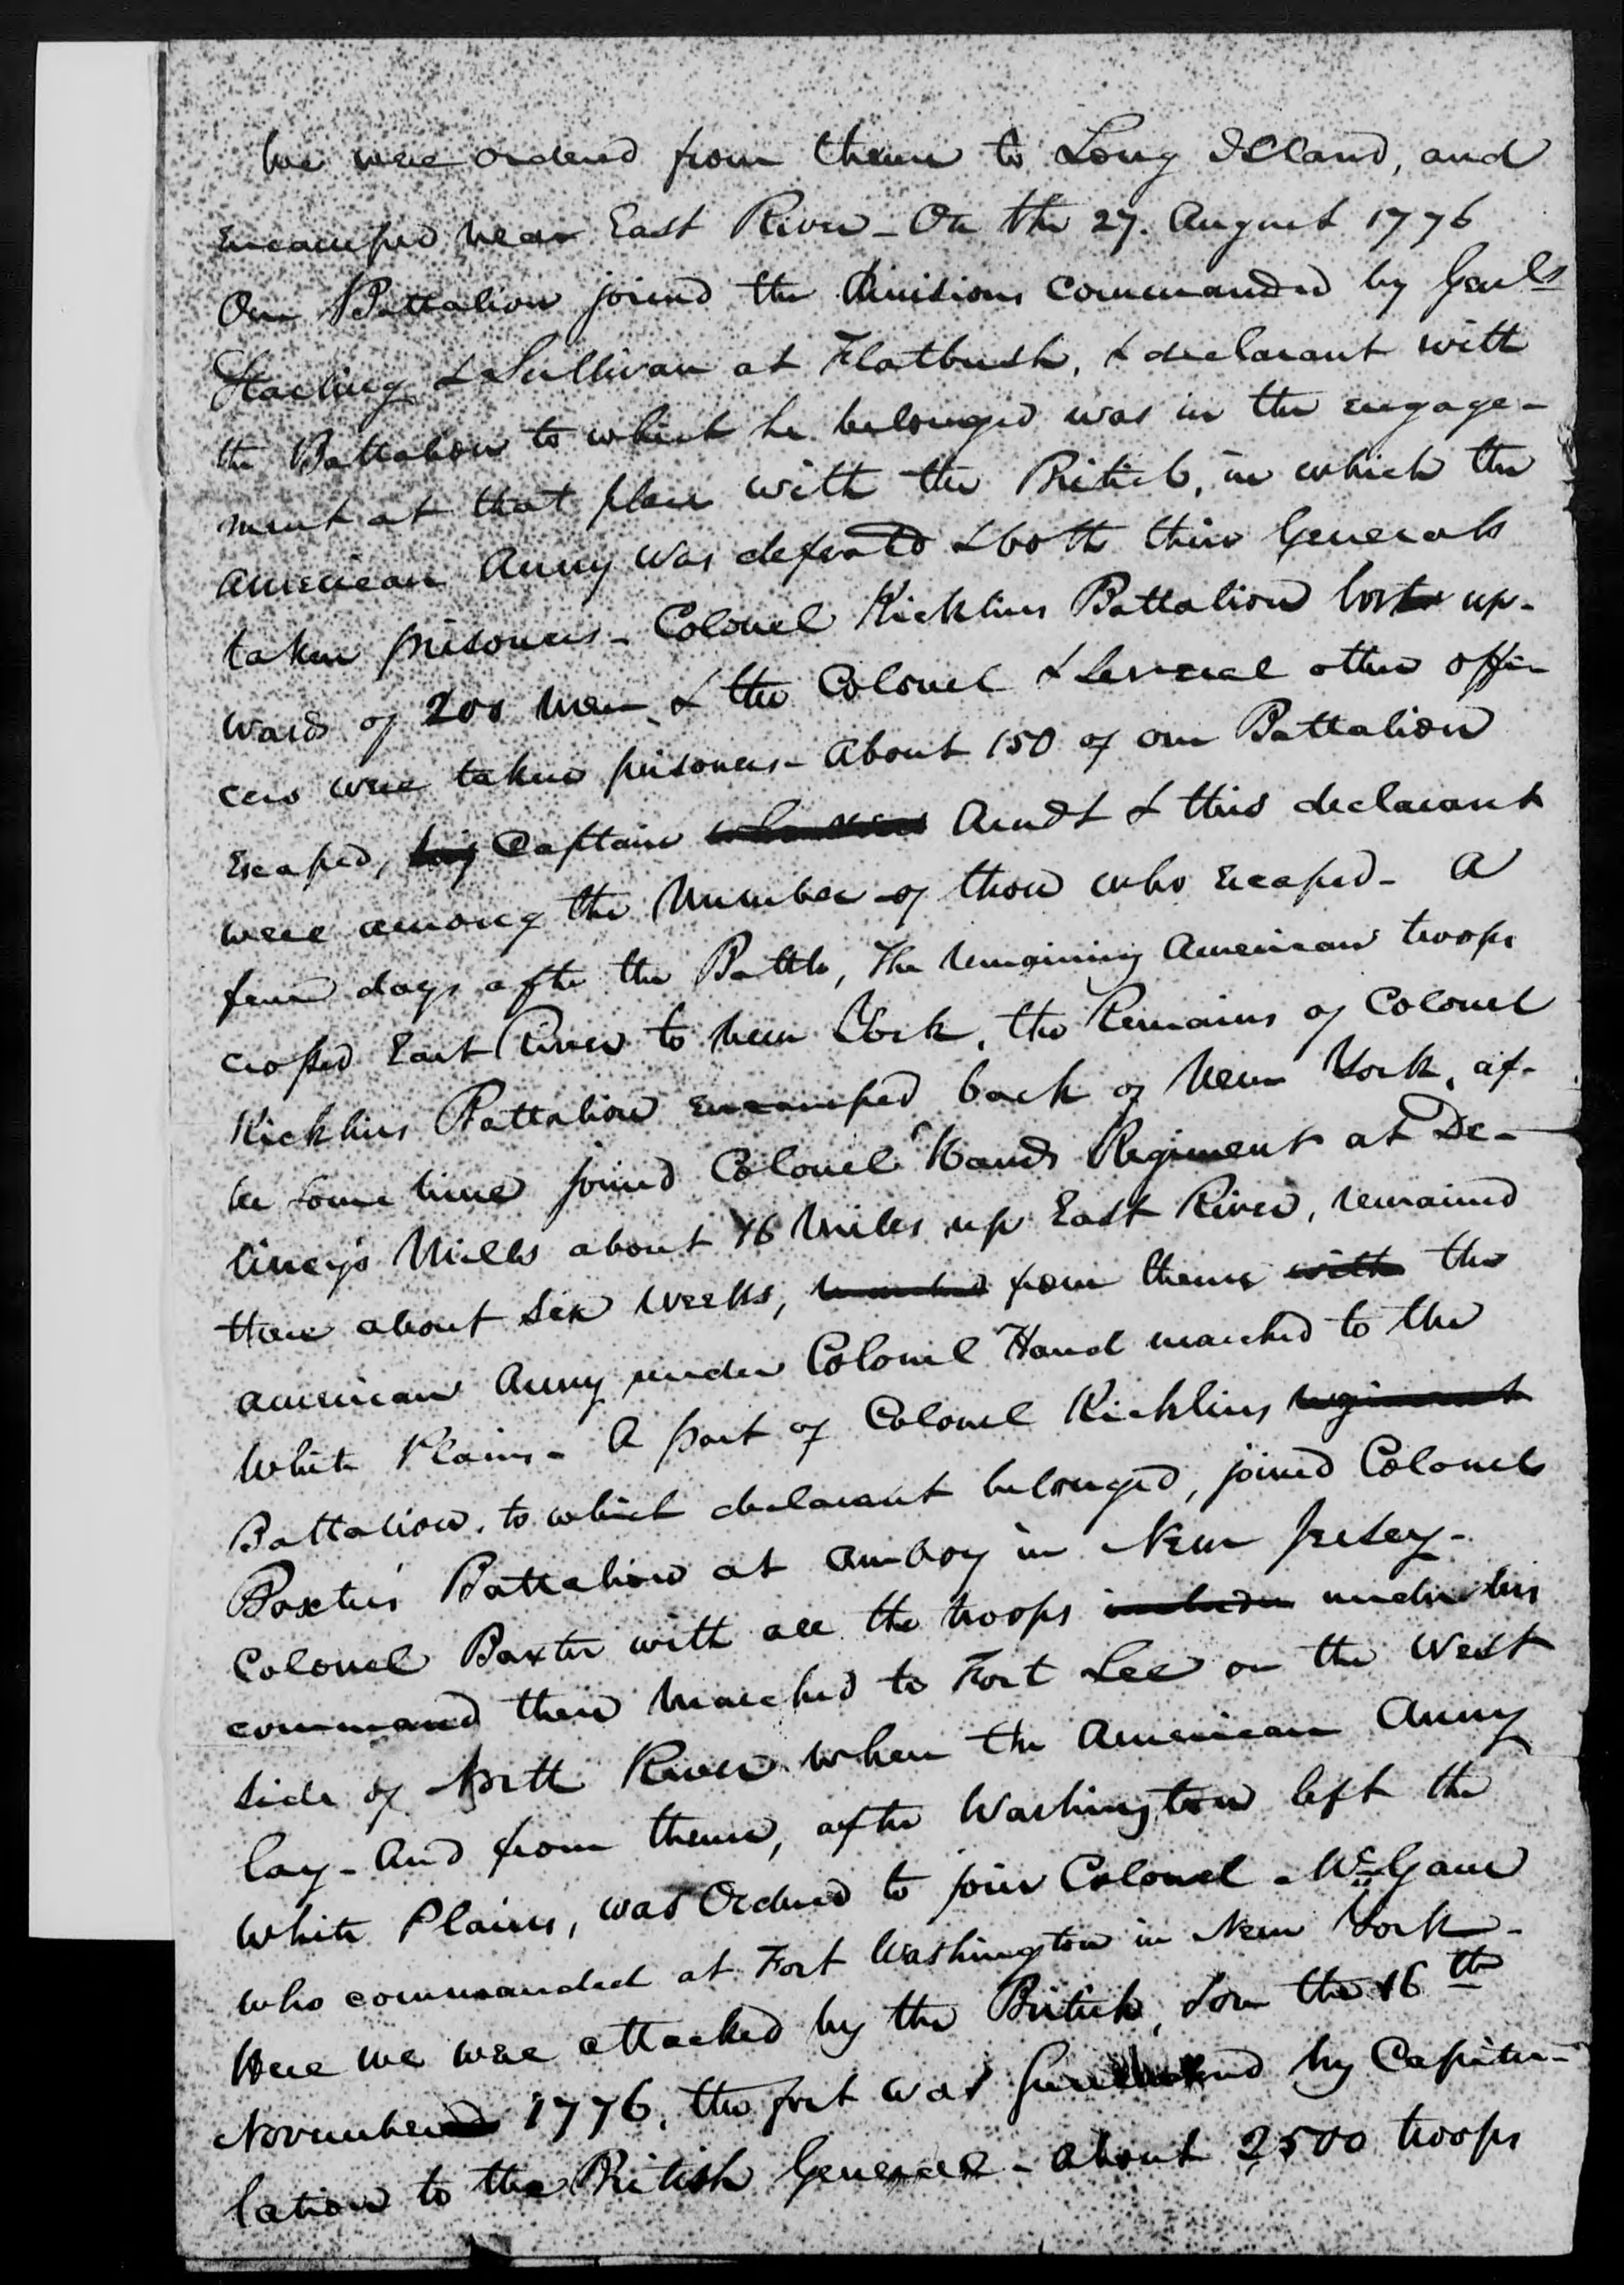We were ordered from thence to Long Island, and encamped near East River. On the 27. August 1776 our Battalions joined the divisions commanded by Genl Hacking & Sullivan at Flatbush &  declarant with
the Battalion to which he belonged was in the engagement at that place with the British in which the American army was defeated & both these Generals taken prisoners. Colonel Kicklein's Battalion lost upwards of 200 men & the Colonel & several other officers were taken prisoners.  About 150 of one Battalion escaped, Captain Arndt & this declarant were among the number of those who escaped. 
A few days after the Battle, the remaining American troops crossed East River to New York, the Remains of Colonel Kicklein's Battalion encamped back at New York. After sometime found Colonel Hands Regiment at Decineys Mills about 16 miles up East River, remained there about six weeks, from there the American Army under Colonel Hand marched to the
White Plains. A part of Colonel Kichlein's
Battalion, to which declarant belonged, joined Colonel Baxter's Battalion at Amboy in New Jersey. Colonel Baxter with all the troops under his command then marched to Fort Lee on the West side of Britt River where the American Army lay. And from there, after Washington left the White Plains, was ordered to join Colonel McGaw who commanded at Fort Washington in New York.. Here we were attacked by the British on the 16th November 1776, the fort was forced by capitulation to the British General about 2500 troops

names: Lation, Mc Gain, Stacling, Hand, Baxter, Arndt, Sullivan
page: 5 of 24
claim: survivor's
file: S. 2032, Henry Allshouse, Penn.